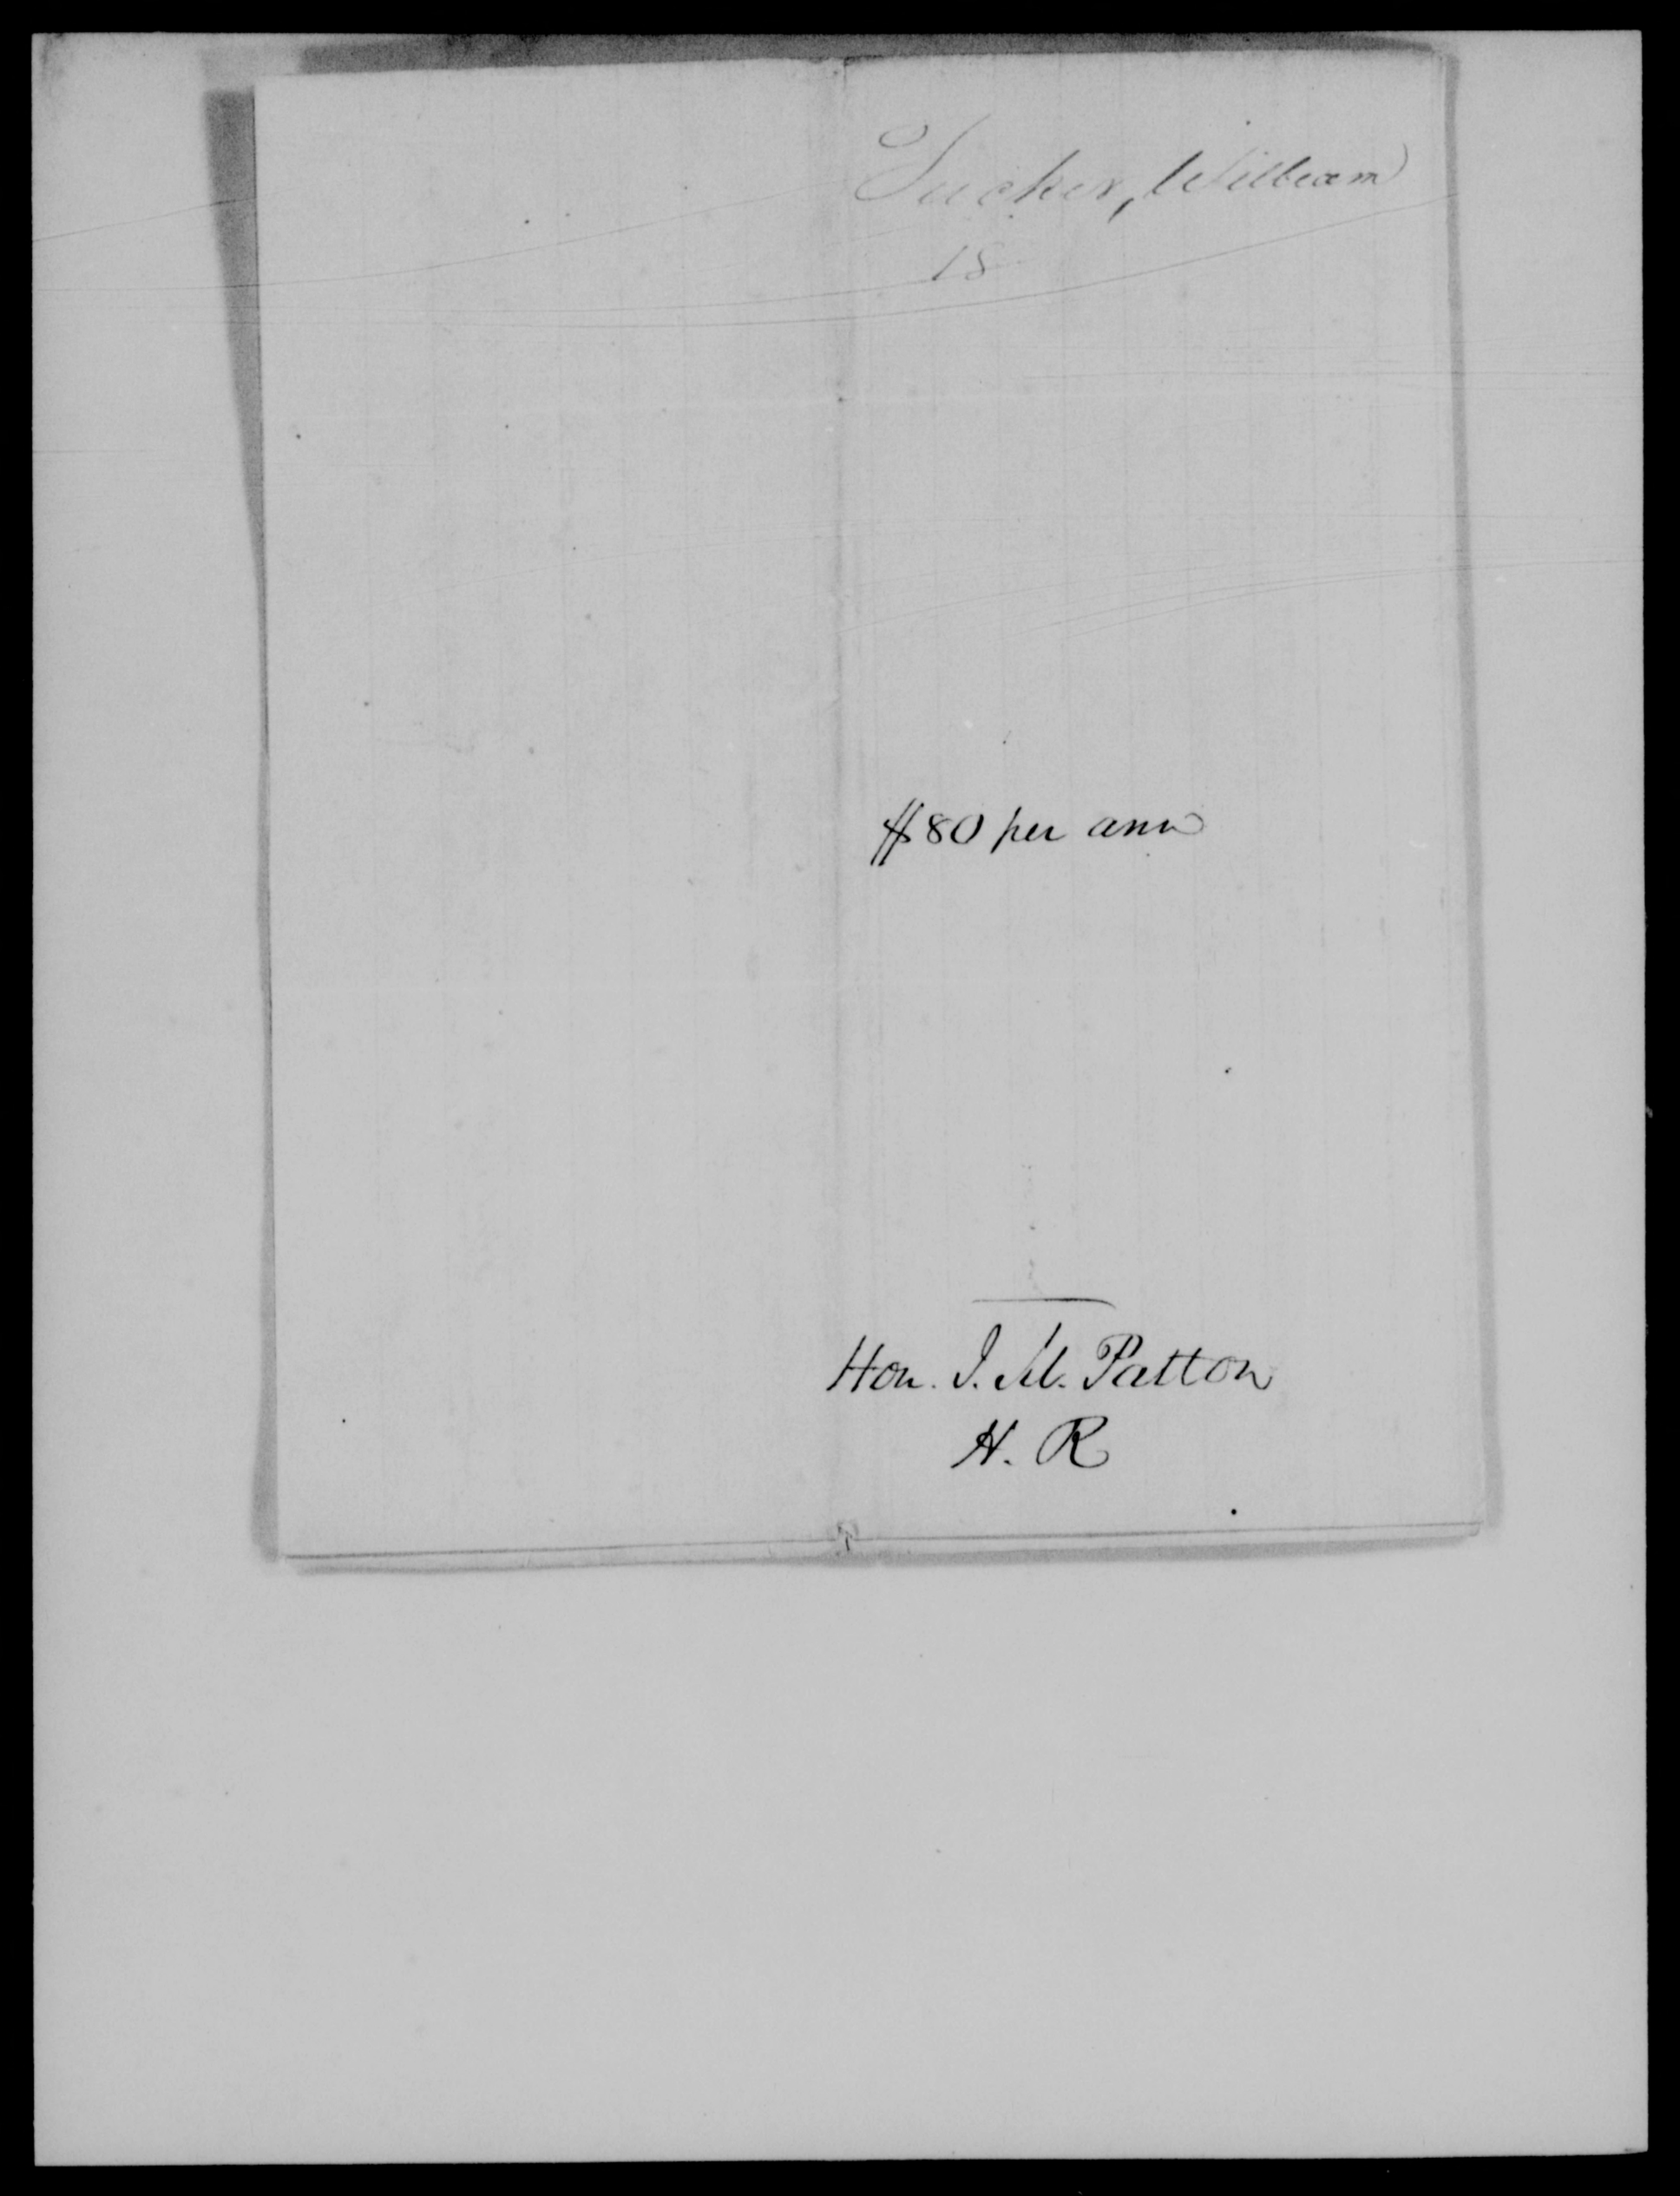Tucker, William
18
$80 per ann
Hon. J.M. Patton
H.R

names: J M Patton, Tucker William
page: 4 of 13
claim: survivor's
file: S. 7764, William Tucker, Va.